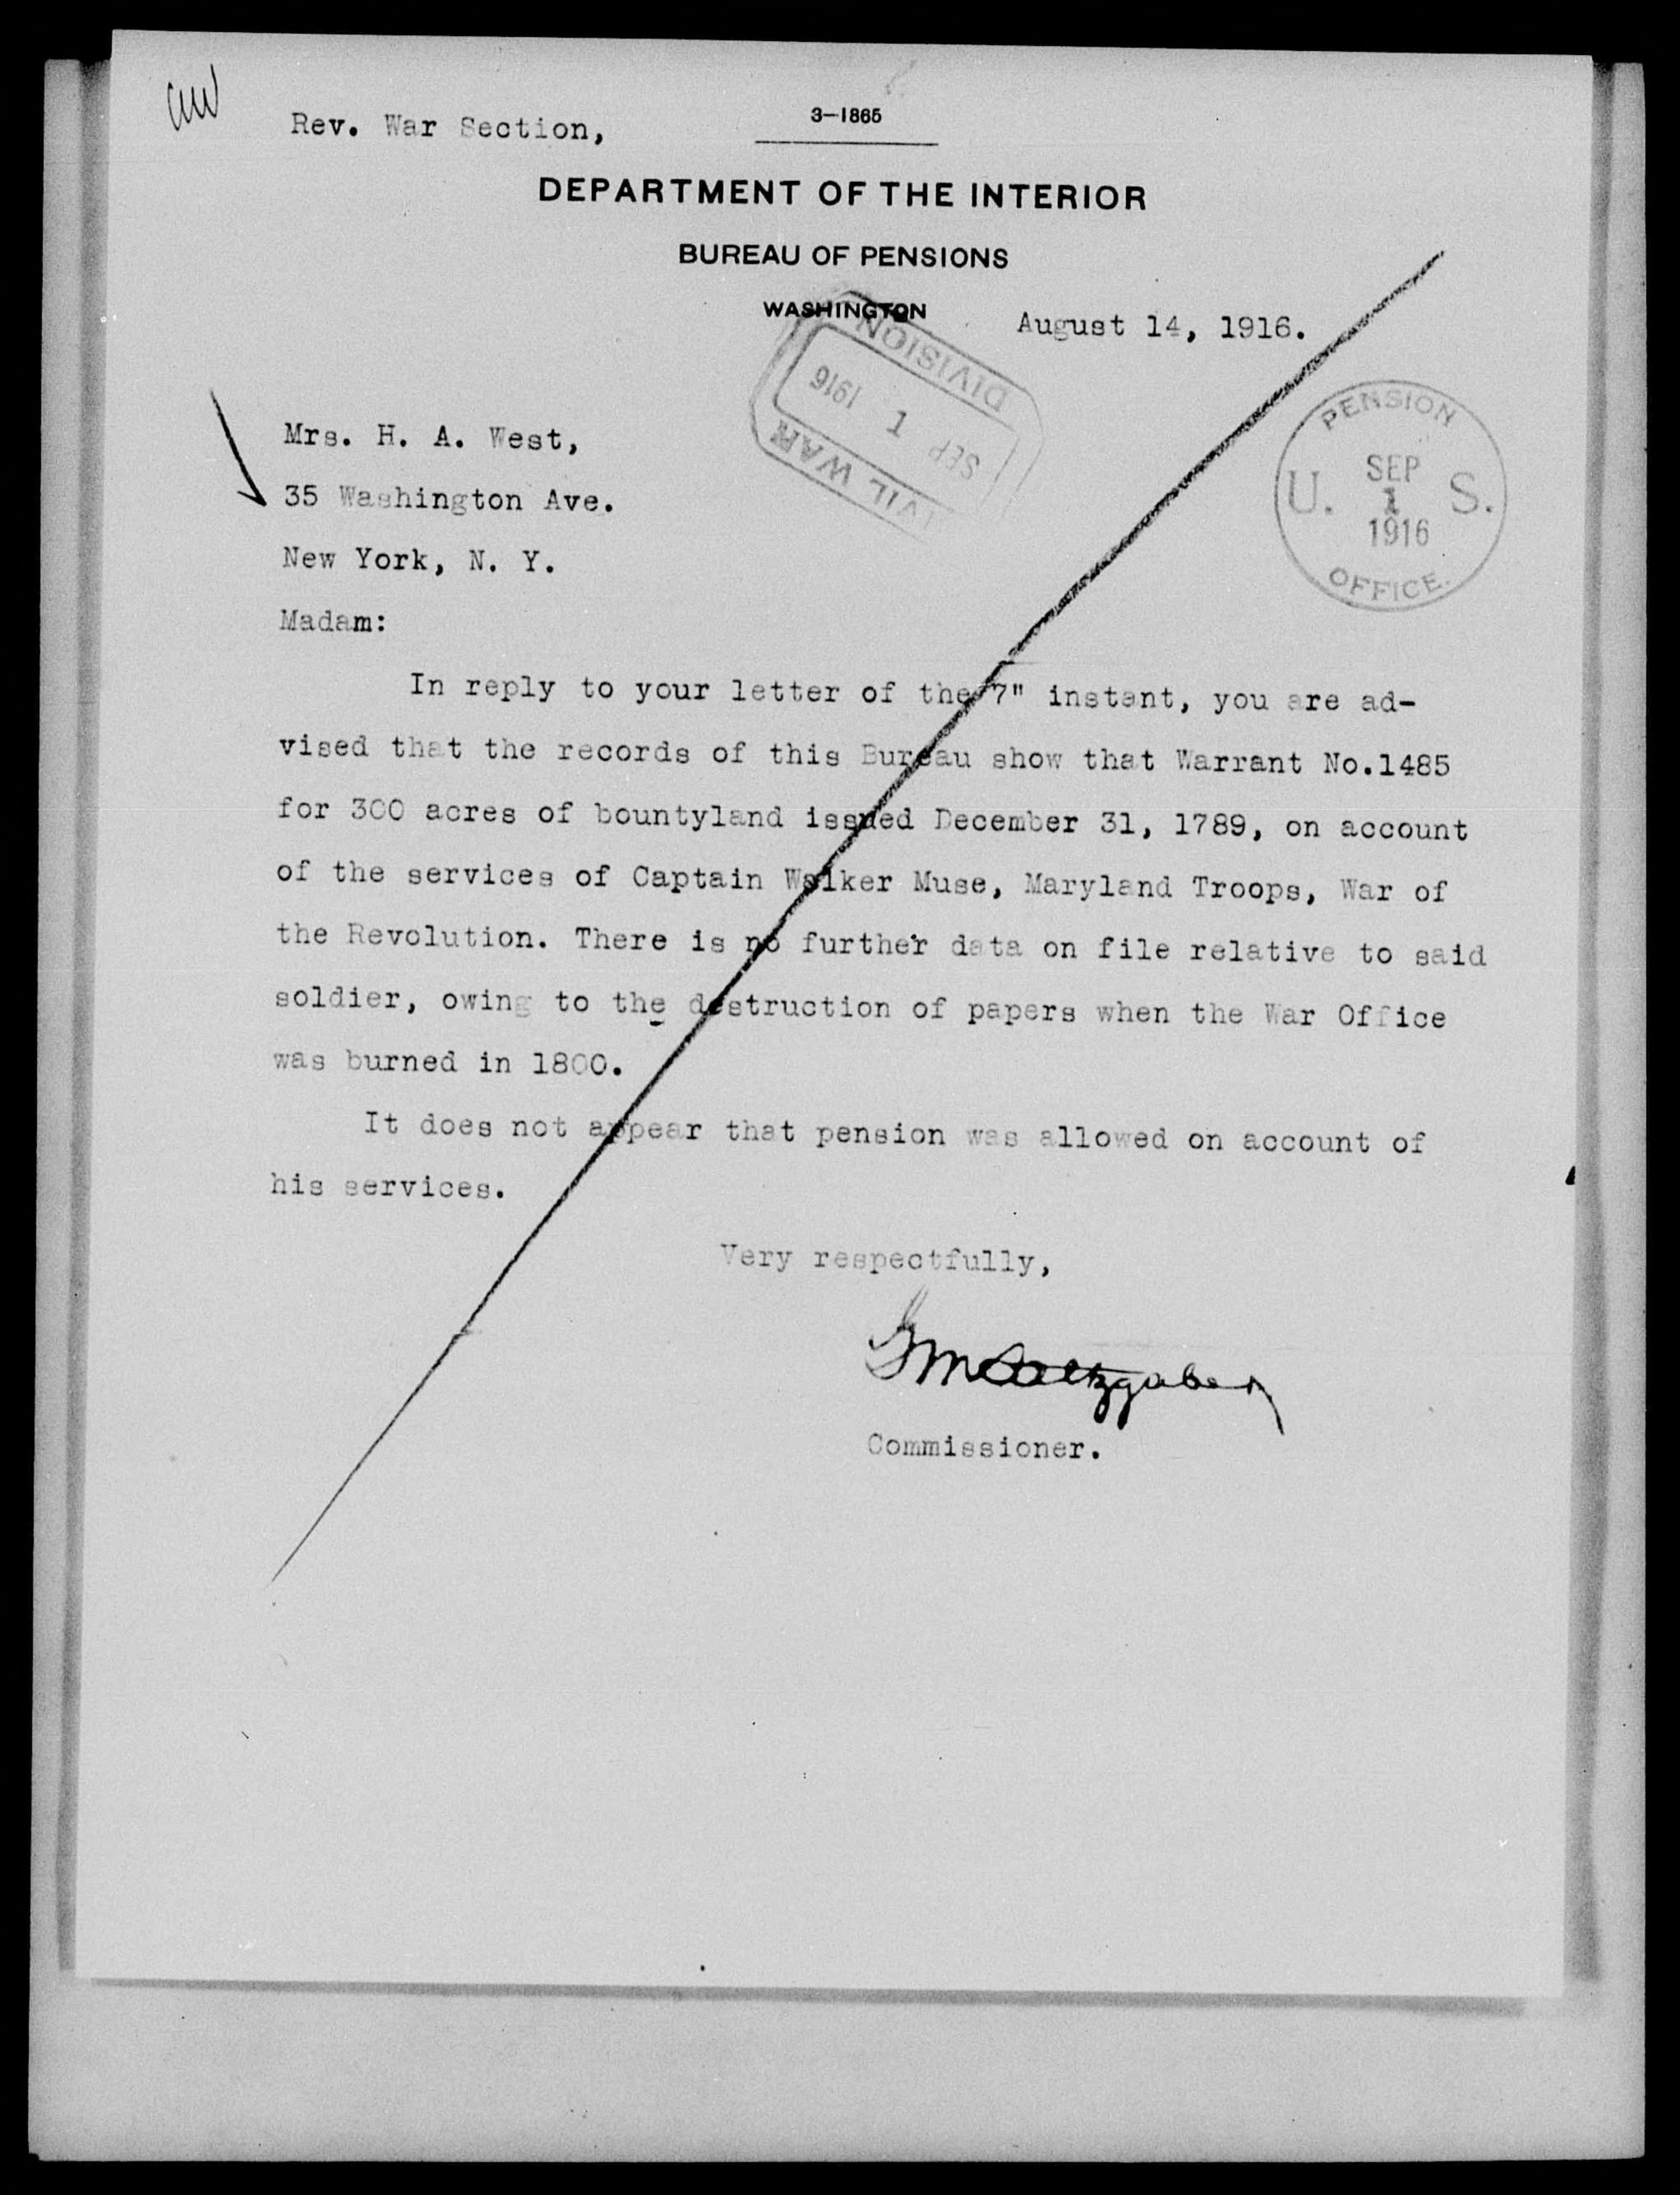Rev. War Section,
DEPARTMENT OF THE INTERIOR
BUREAU OF PENSIONS
WASHINGTON
August 14, 1916.

Mrs. H. A. West,
35 Washington Ave.
New York, N. Y.

Madam:

In reply to your letter of the 7th instant, you are advised that the records of this Bureau show that Warrant No. 1485 for 300 acres of bounty land issued December 31, 1789, on account of the services of Captain Walker Muse, Maryland Troops, War of the Revolution. There is no further data on file relative to said soldier, owing to the destruction of papers when the War Office was burned in 1800.

It does not appear that pension was allowed on account of his services.

Very respectfully,
[Signature]
Commissioner.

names: H A West; Walker Muse; G M Saltzgaber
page: 3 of 5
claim: bounty land warrant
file: B. L. Wt. 1485-300, for Walker Muse, Maryland